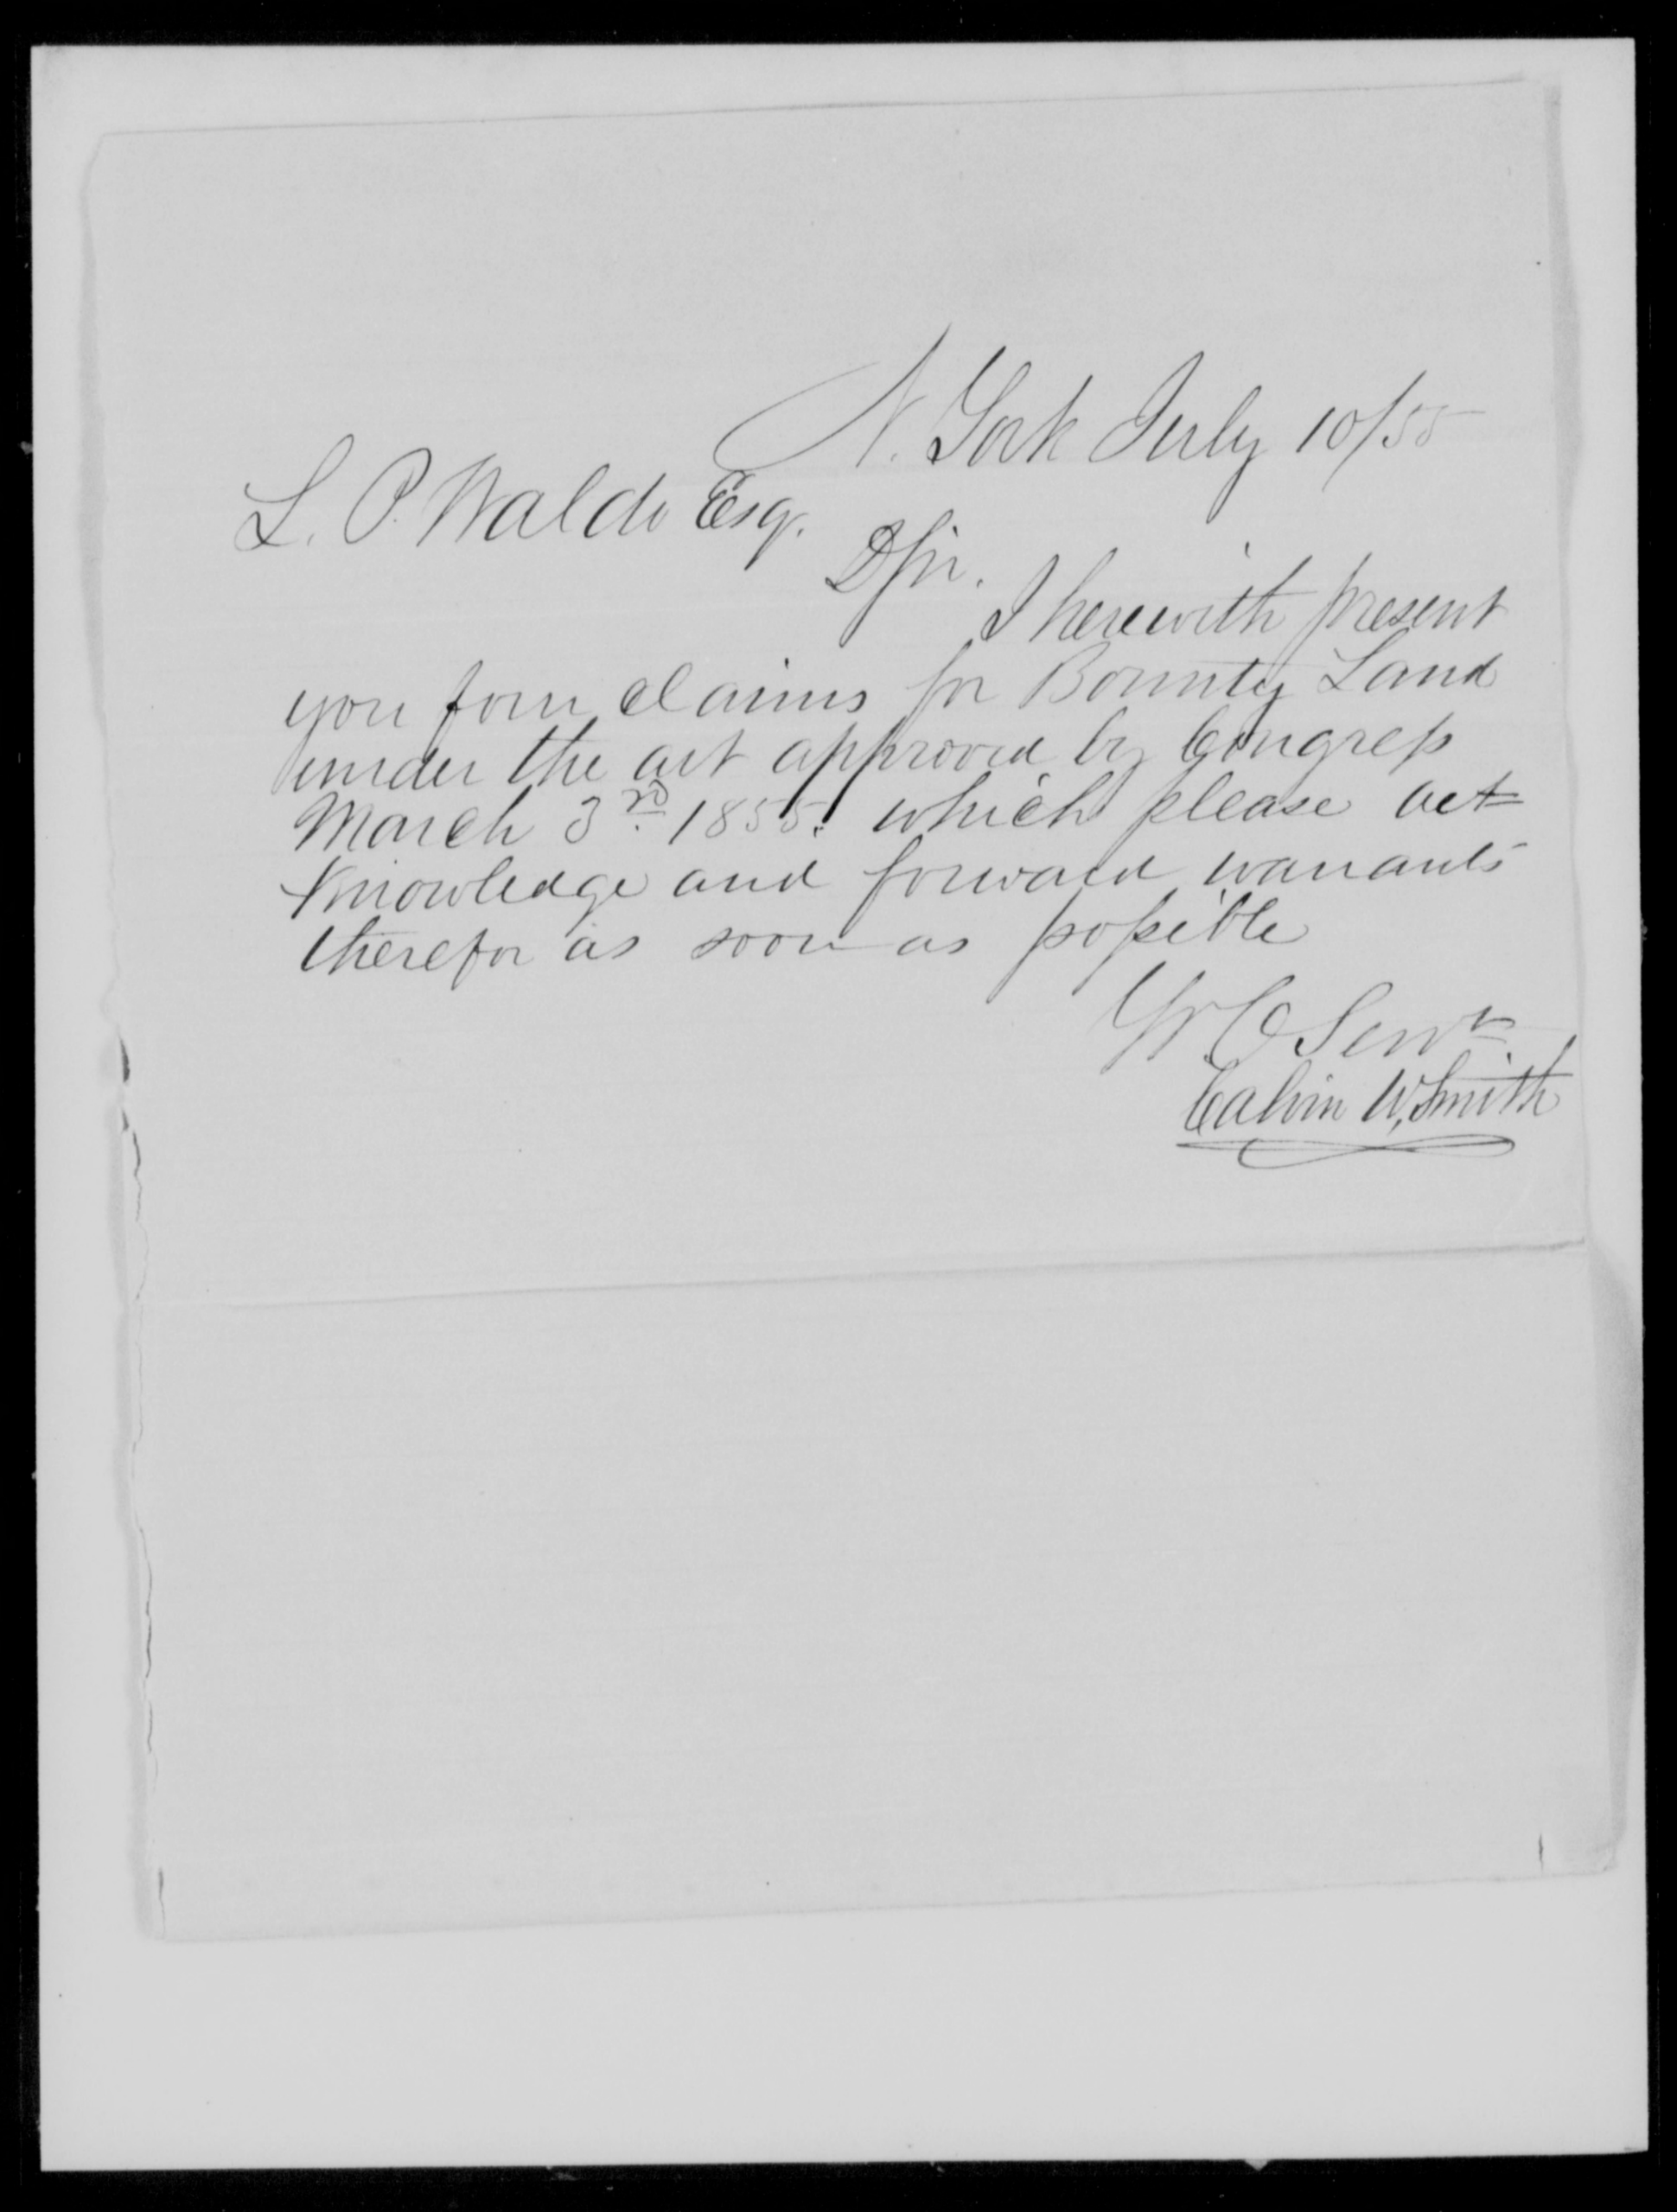N. York July 10/55
L.P. Waldo Esq.
 DSir.  I herewith present you four claims for Bounty Land under the act approved by Congress March 3rd 1855 which please  acknowledge and forward warrants therefor as soon as possible
 Yr Ob Servt
 Calvin W. Smith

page: 98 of 101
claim: widow's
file: W. 25481, for Peter V Tilyou, New Jersey